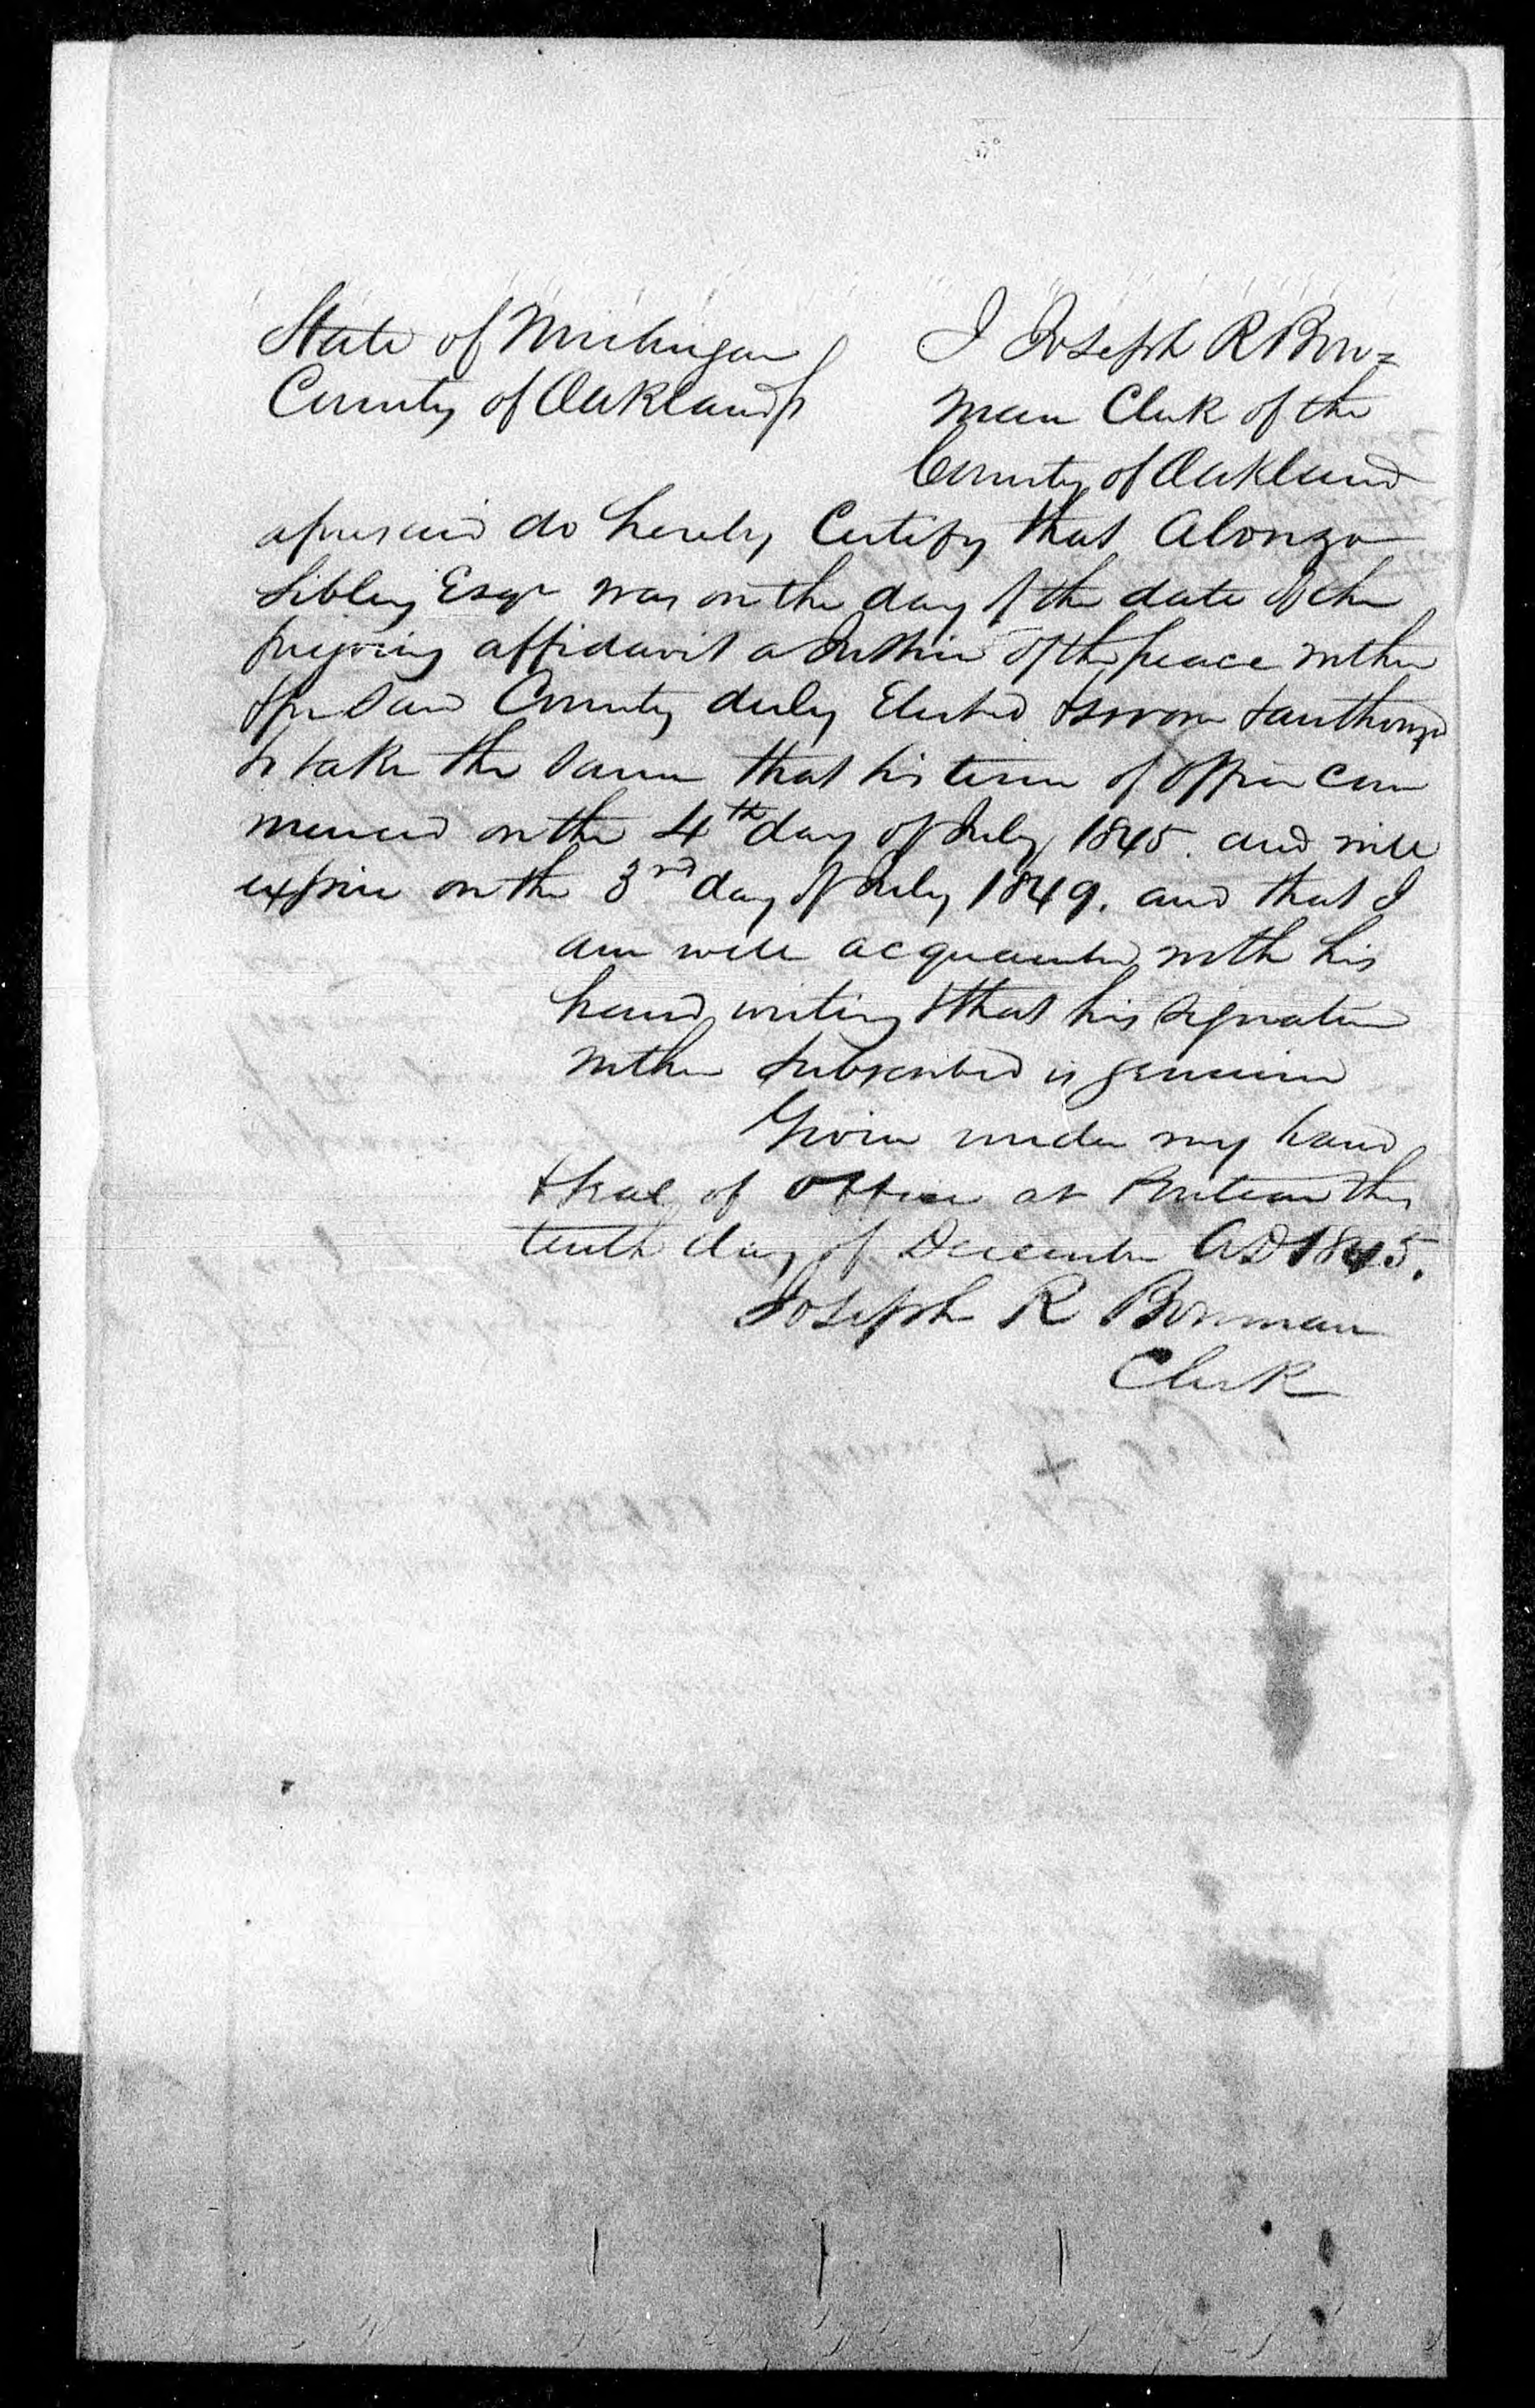State of Michigan
County of Oakland  I Joseph R Bowman Clerk of the County of Oakland

Aforesaid do hereby certify that Alonza Sibley Seq was on the day of the date of the [illegible] affidavit a justice of the peace of Oakalnd county duly elected [illegible] the same that his term of office commences on the 4thh day of July 1845 and expires on the 3rd day of July 1849. and that I am well acquainted with his handwriting that his signature [illegible] subscribed is genuine.

Given under my hand that of officer at Pontiac this tenth day of December AD 1845.
Joseph R Bowman Clerk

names: Joseph R Bowman, Joseph R Bowman, Alonzo Sibley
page: 19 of 66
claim: rejected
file: R. 4298, Samuel Gregory, New York